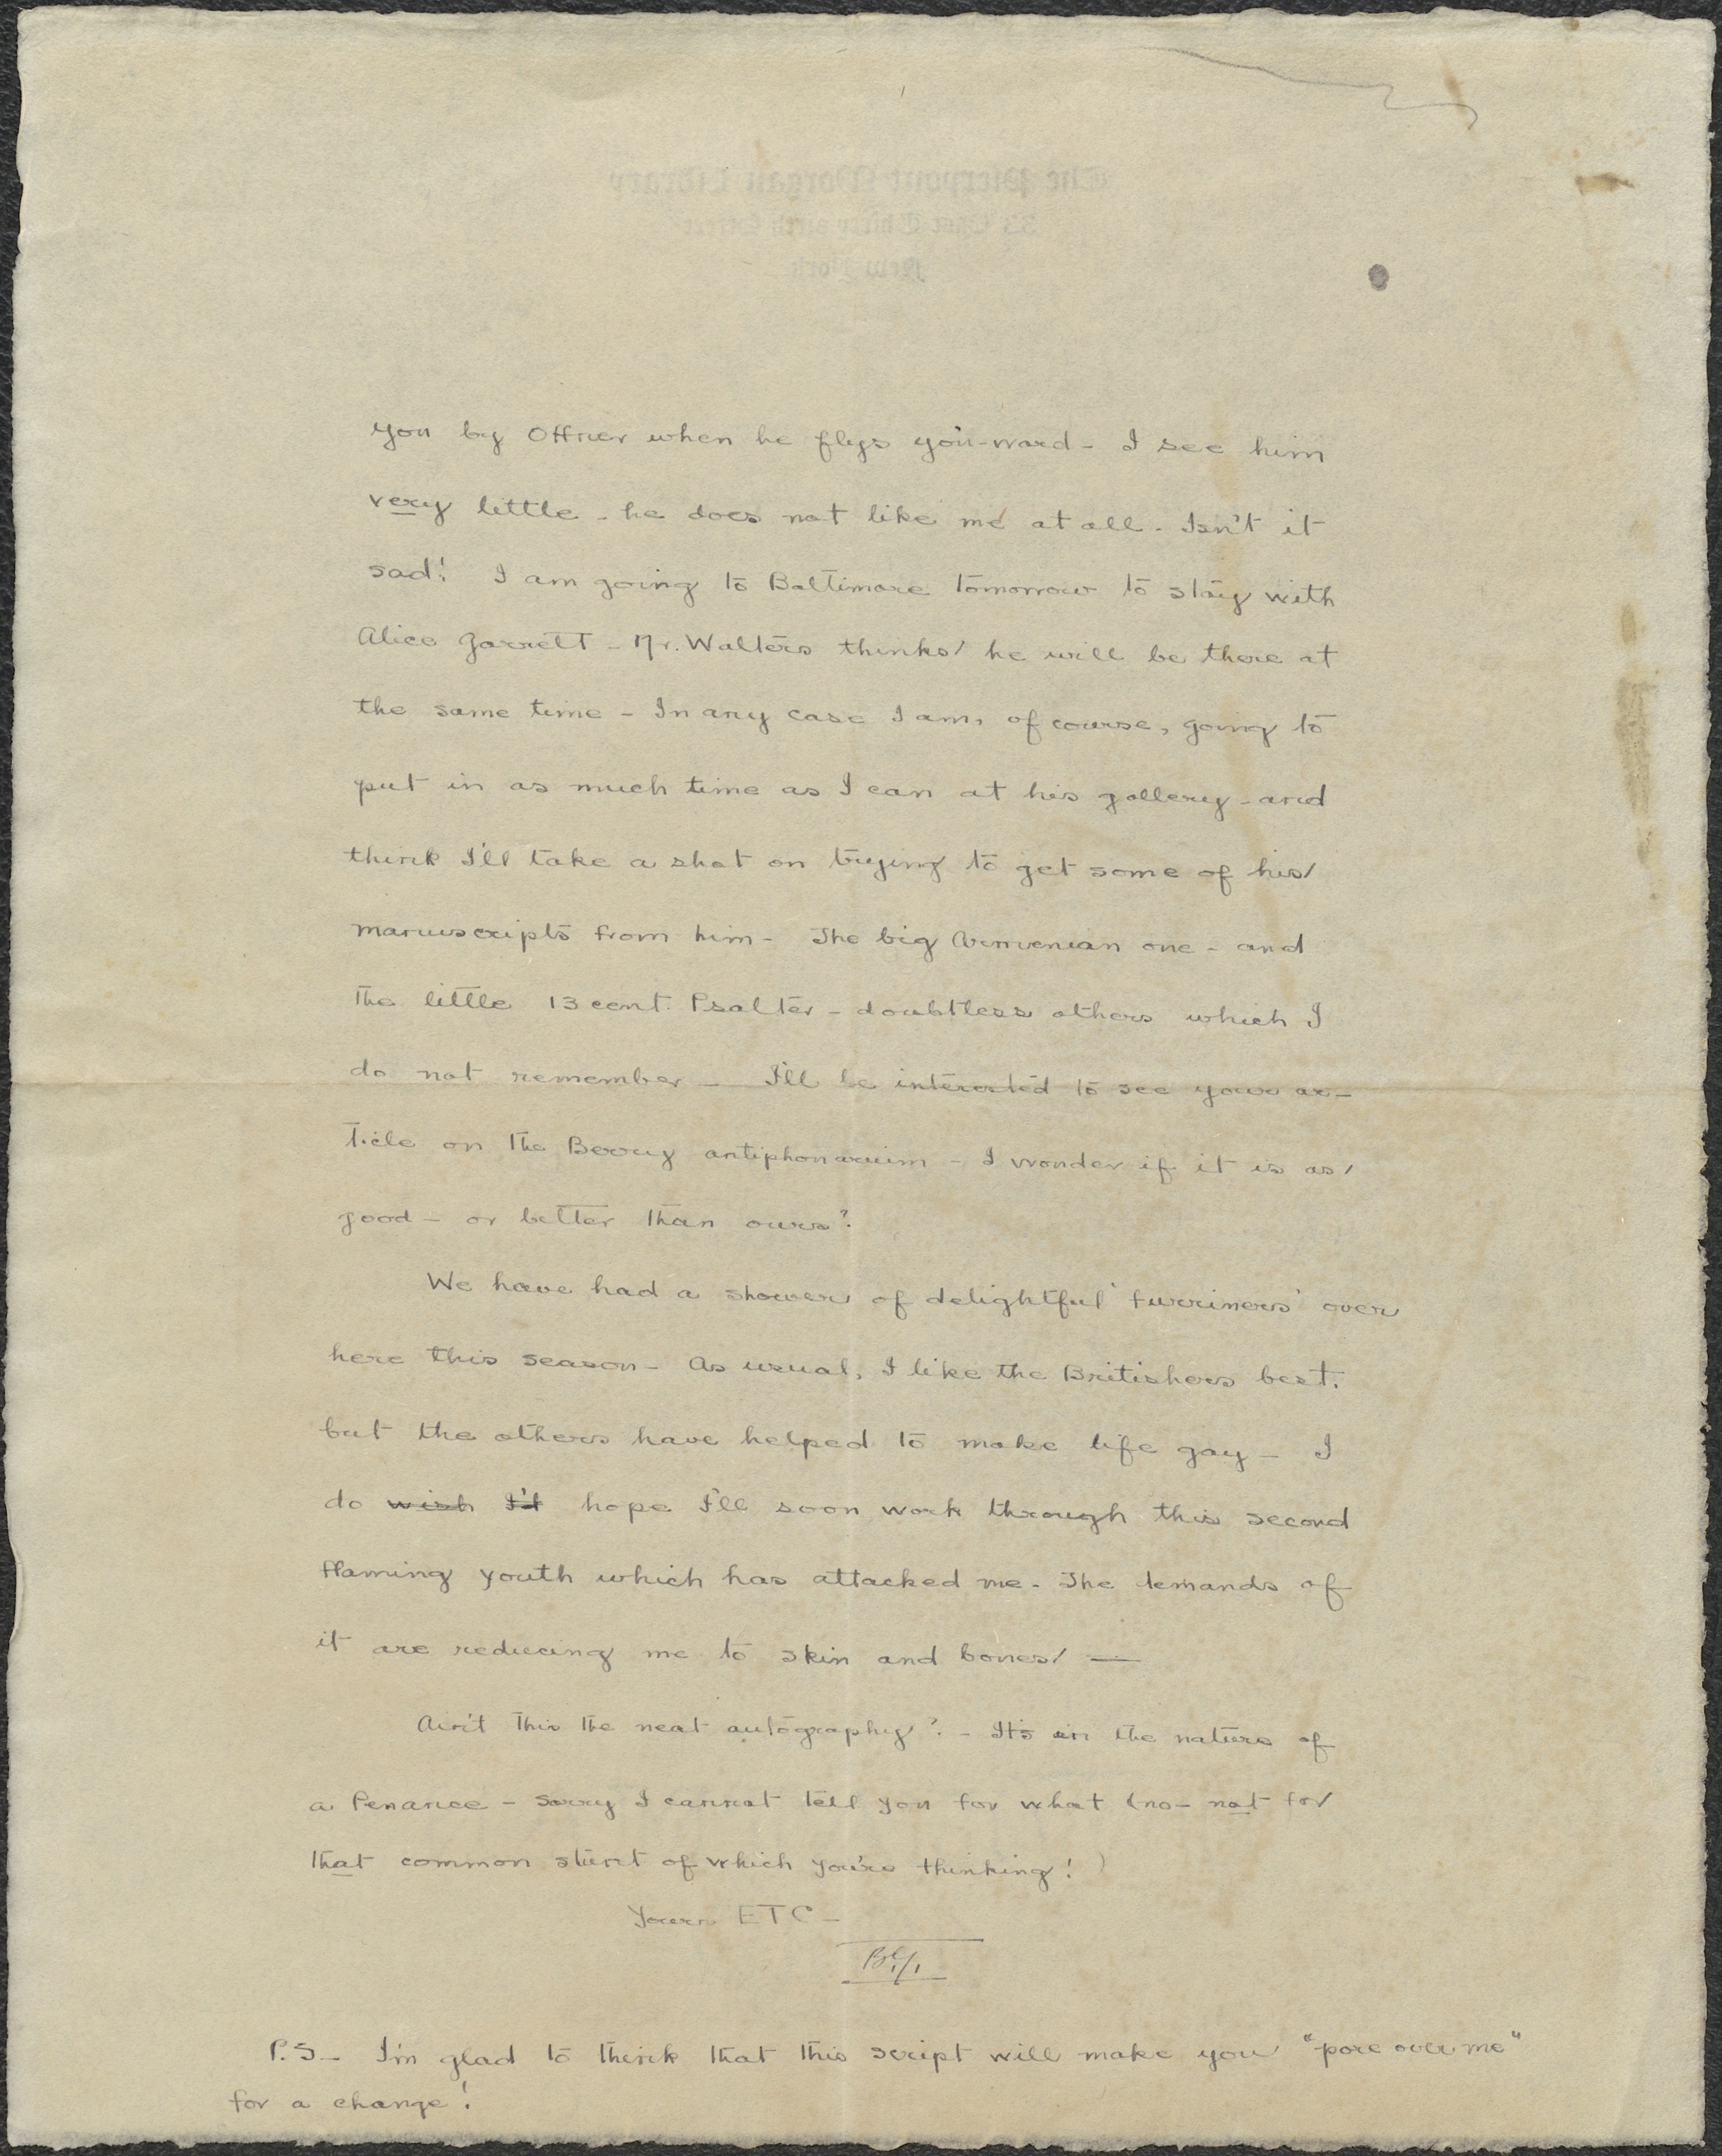you by Offner when he flys [sic] you-ward – I see him very little – he does not like me at all. Isn't it sad! I am going to Baltimore tomorrow to stay with Alice Garrett – Mr. Walters thinks he will be there at the same time – In any case I am, of course, going to put in as much time as I can at his gallery, and think I'll take a shot on trying to get some of his manuscripts from him – The big Armenian one – and the little 13 cent Psalter – doubtless others which I do not remember – I'll be interested to see your article of the Berry antiphonarium – I wonder if it is as good – or better than ours?
We have had a shower of delightful 'furriners' over here this season – As usual, I like the Britishers best, but the others have helped to make life gay – I do wish I’d hope I'll soon work through this second flaming youth which has attacked me. The demands of it are reducing me to skin and bones –
Ain't this the neat autography? – It's in the nature of a Penance – sorry I cannot tell you for what (no – not for that common stunt of which you're thinking!)
Yours ETC-
B.G.
P.S. I'm glad to think that this script will make for a change!